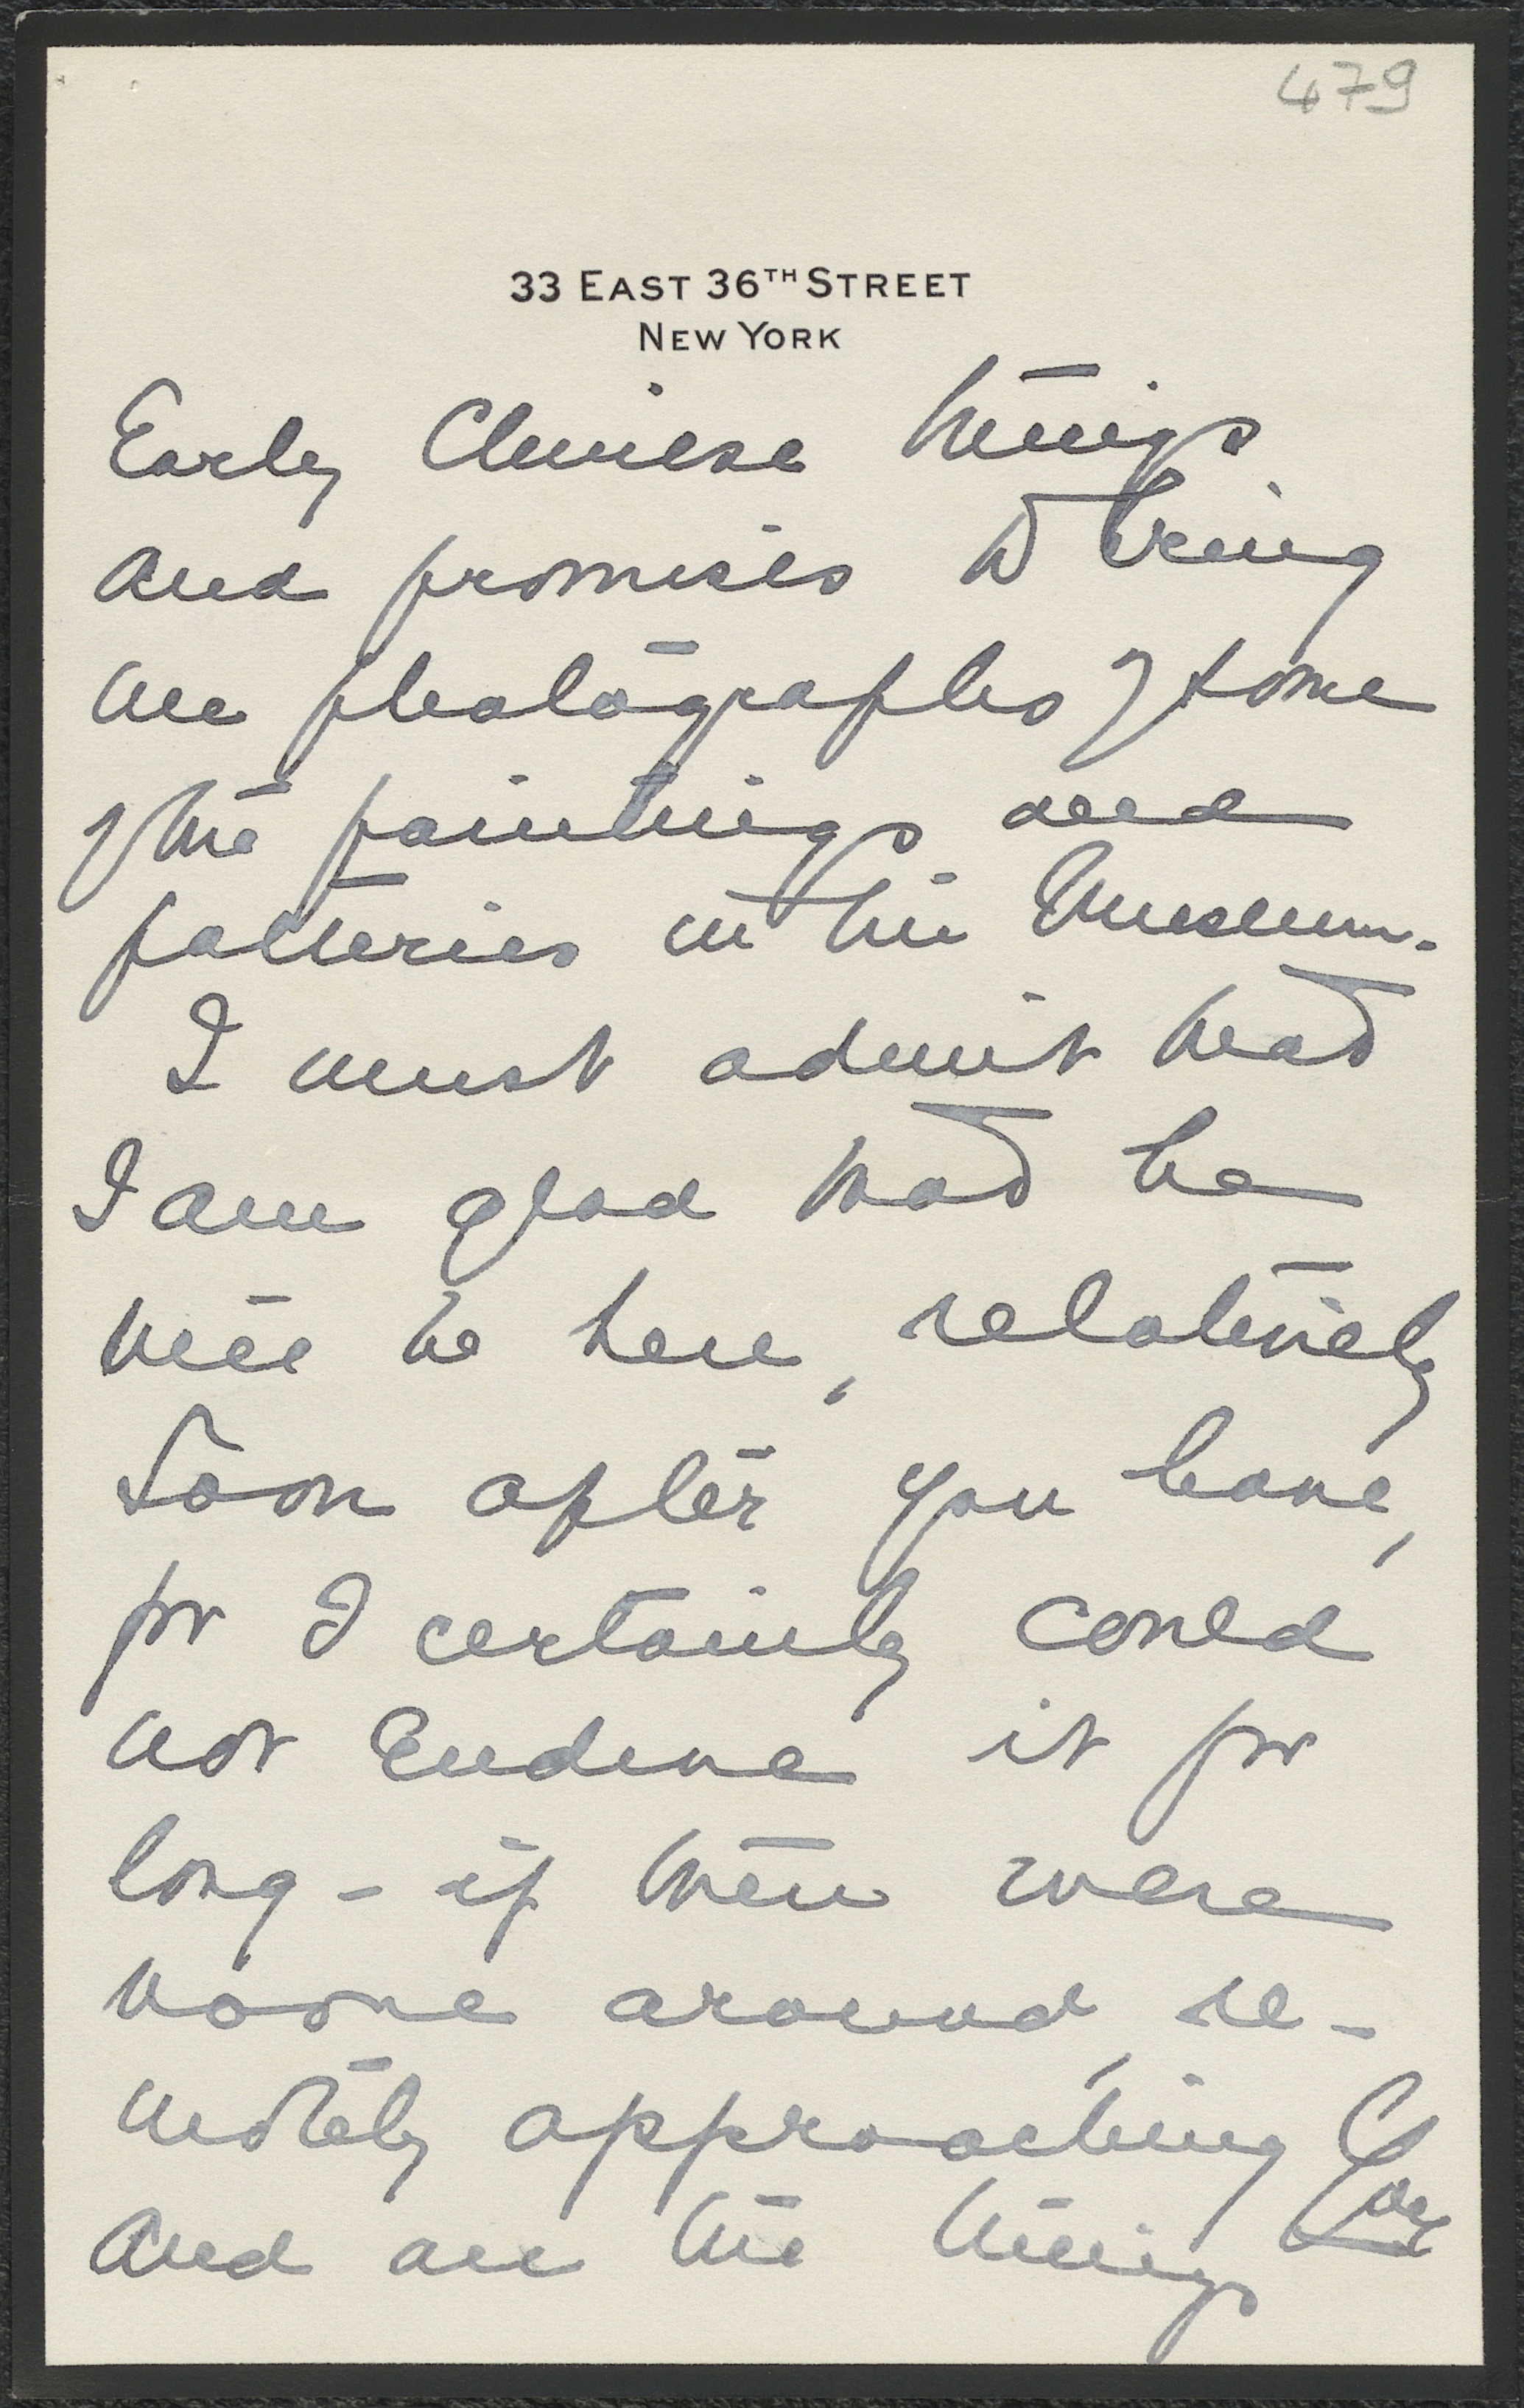Early Chinese things and promises to bring me photographs of some of the paintings and potteries in the Museum. I must admit that I am glad that he will be here, relatively soon after you have, for I certainly could not endure it for long – if there were no one around remotely approaching You and all the things